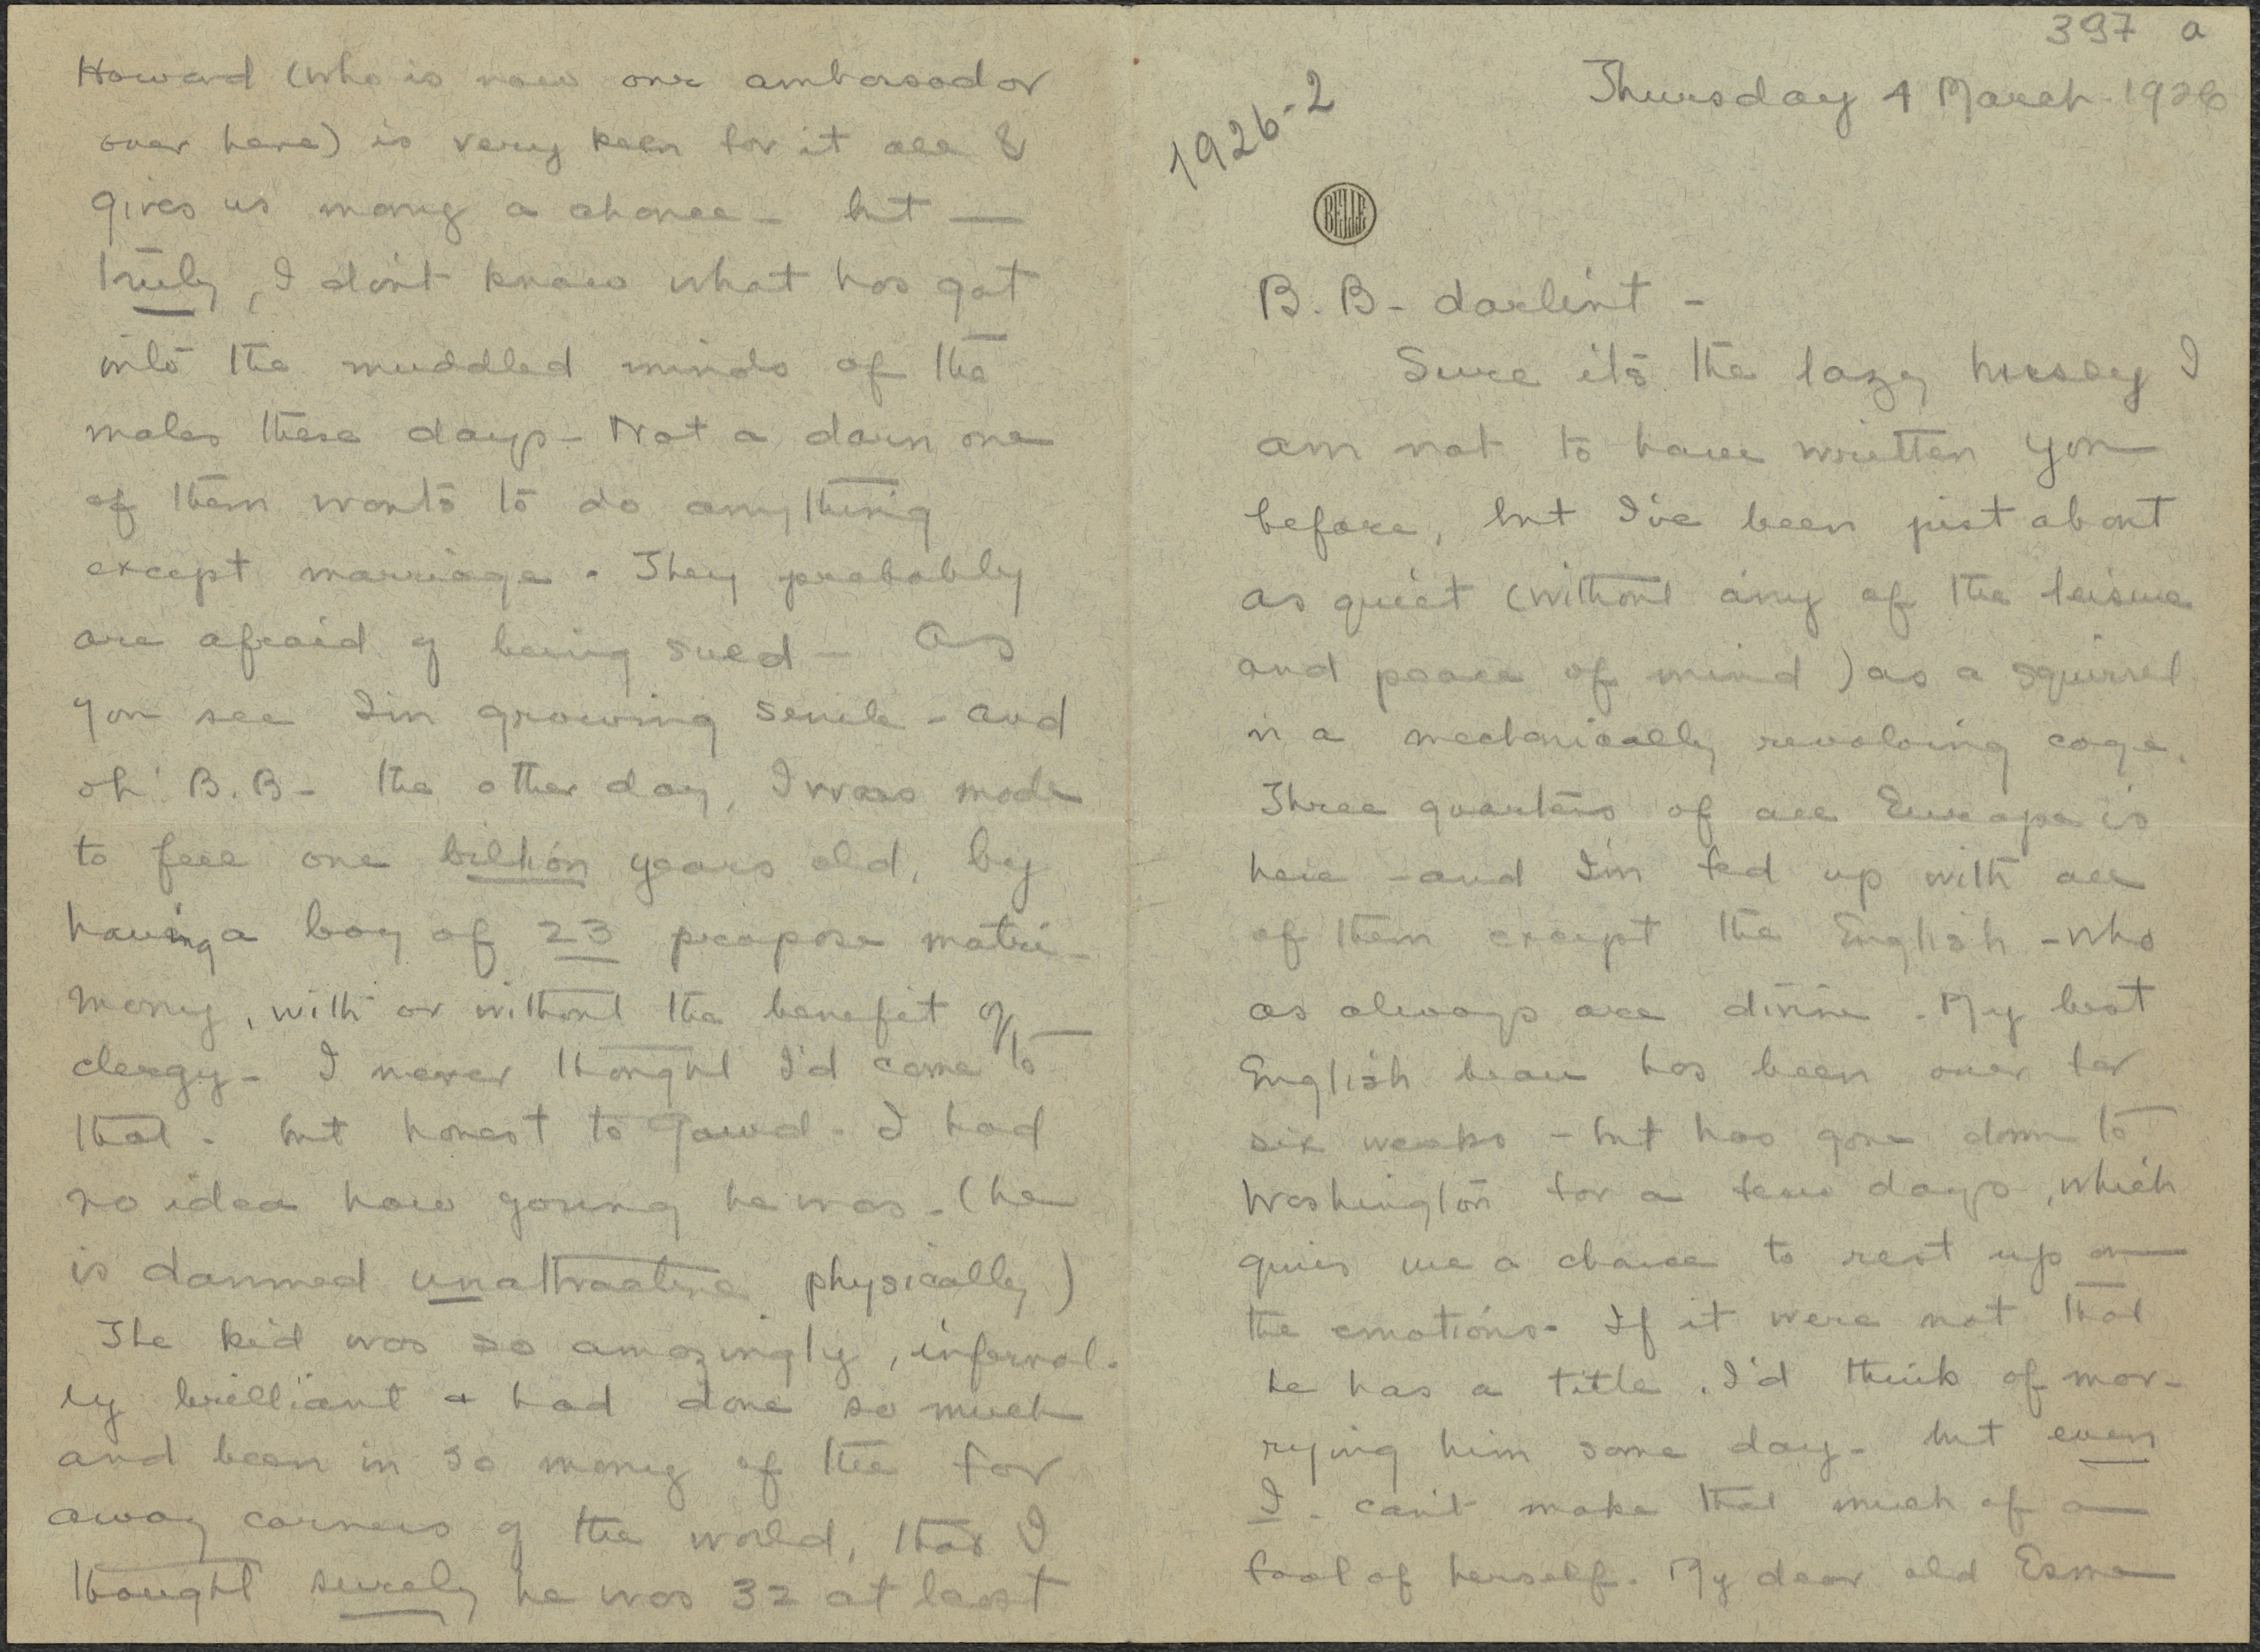Thursday 4 March 1926
B.B. darlint –
Sure its the lazy hussy I am not to have written you before, but I’ve been just about
as quiet (without any of the leisure and peace of mind) as a squirrel in a mechanically revolving cage. Three quarters of all Europe is here – and I’m fed up with all of them except the English – who as always are divine. My best English beau has been over for six weeks – but has gone down to Washington for a few days, which gives me a chance to rest up on the emotions. If it were not that he has a title, I’d think of marrying him some day – but even I – can’t make that much of a fool of herself. My dear old Esme
Howard (who is now our ambassador over here) is very keen for it all & gives us many a chance – but truly, I don’t know what has got into the muddled minds of the males these days – Not a darn one of them wants to do anything except marriage. They probably are afraid of being sued – As you see I'm growing senile – and oh! B.B – the other day, I was made to feel one billion years old, by having a boy of 23 propose matrimony, with or without the benefit of clergy – I never thought I’d come to that – but honest to Gawd – I had no idea how young he was – (he is damned unattractive physically)
The kid was so amazingly, infernally brilliant & had done so much and been in so many of the far away corners of the world, that I thought surely he was 32 at least